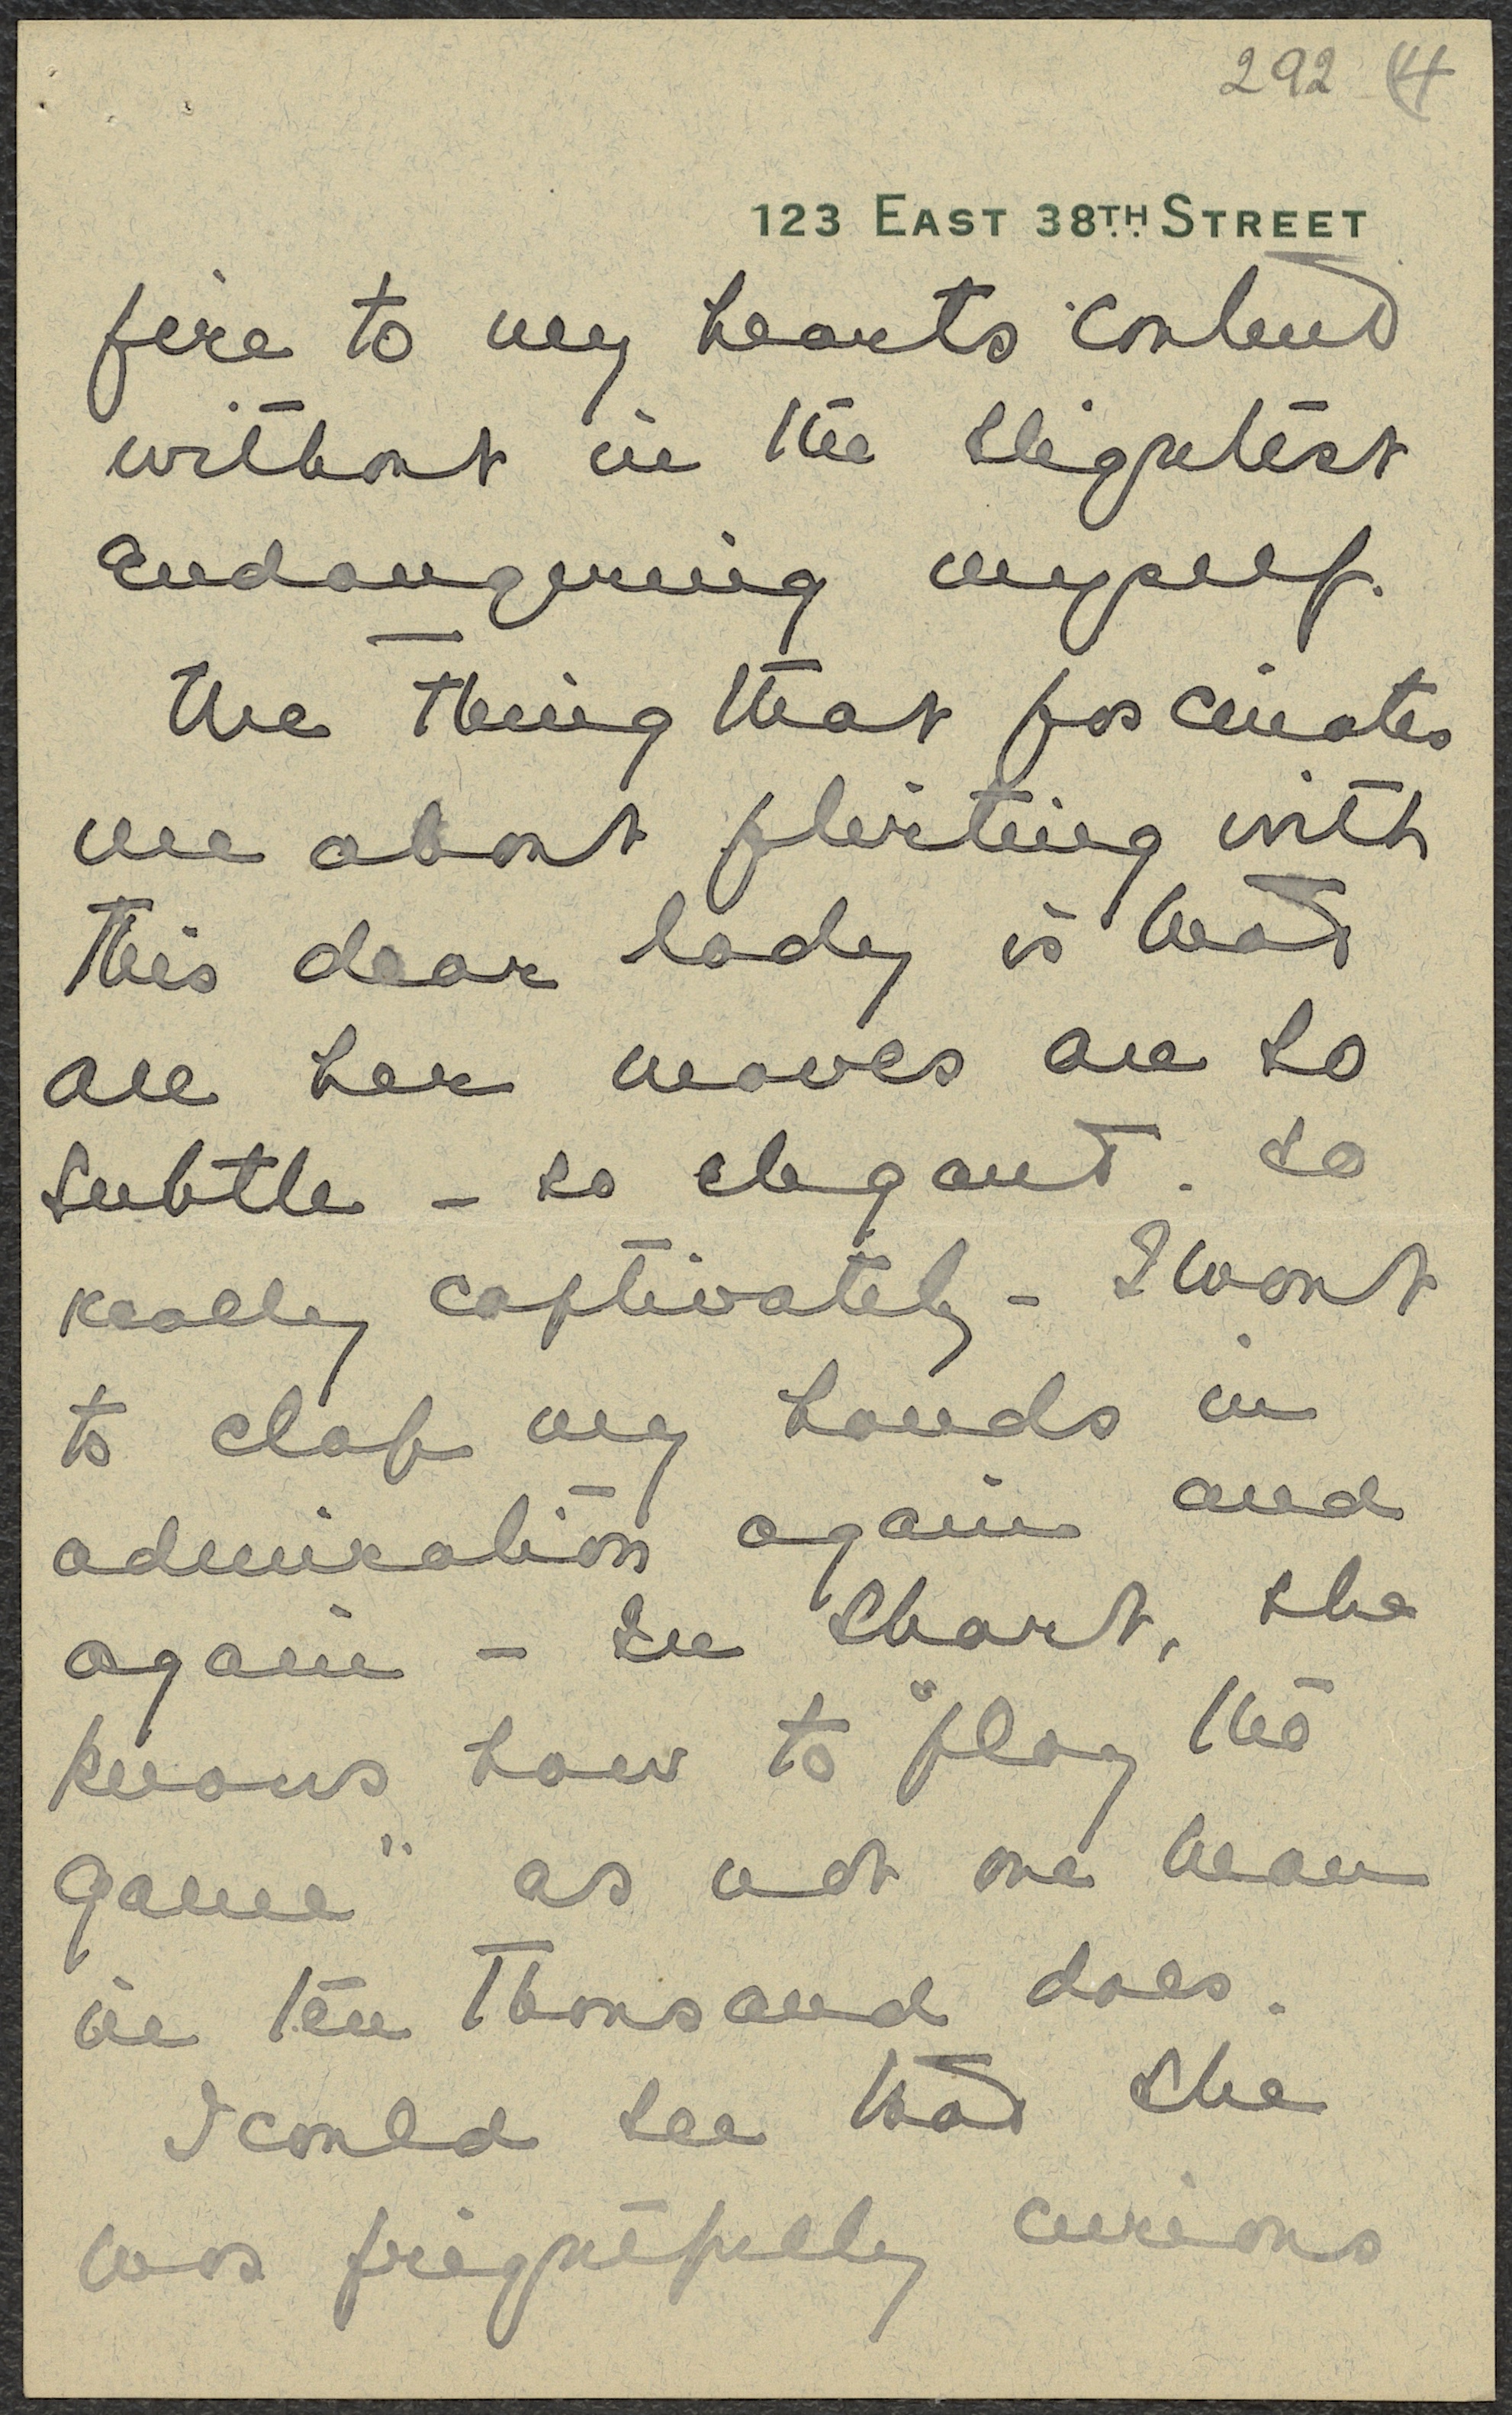fire to my hearts’ content without in the slightest endangering myself.
The thing that fascinates me about flirting with this dear lady is that all her moves are so subtle – so elegant, so really captivately – I want to clap my hands in admiration again and again – In short, she knows how to “play the game” as not one man in ten thousand does.
I could see that she was frightfully curious